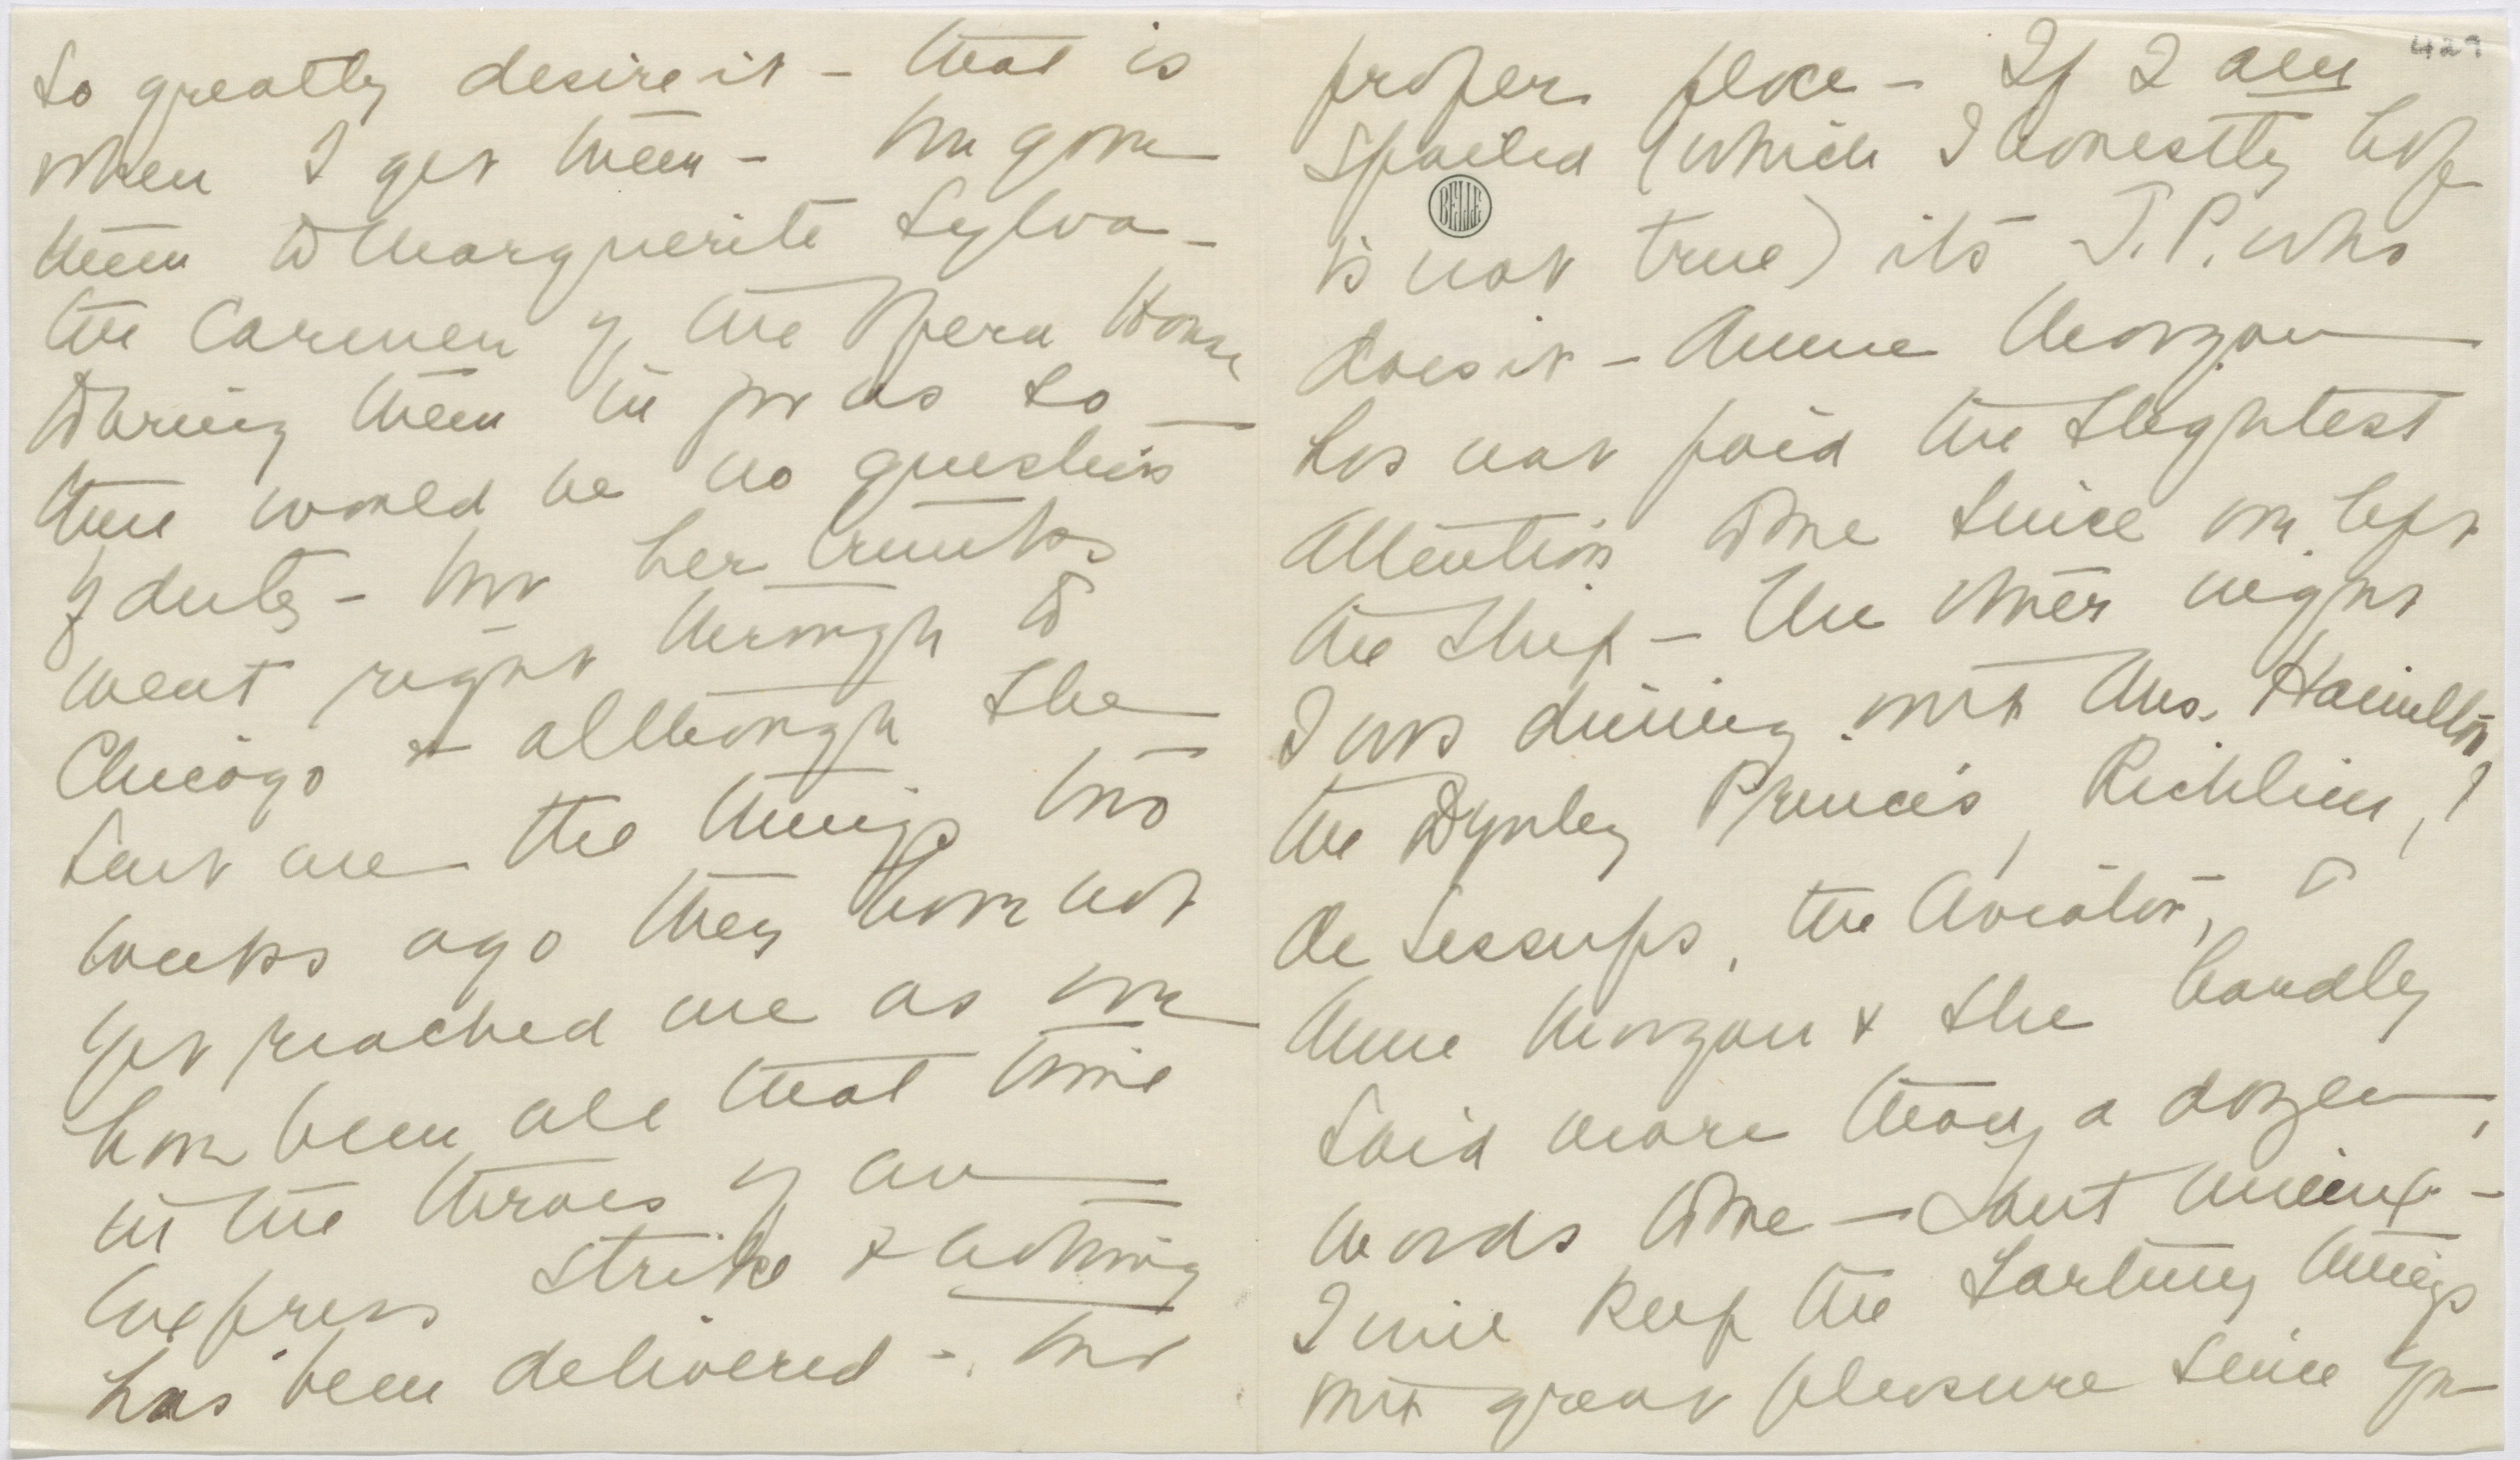proper place – if I am spoiled (which I honestly hope is not true) its J. P. who does it – Annie Morgan has not paid the slightest attention to me since we left the ship – The other night I was dining with Mrs. Hamilton, the Dynley [sic] Prince’s, Richlieu, de Lesseps, the Aviator, & Annie Morgan & she hardly said more than a dozen words to me – Faut mieux – I will keep the Fortuny things with great pleasure since you
so greatly desire it – that is when I get them – We gave them to Marguerite Sylva – the Carmen of the Opera House to bring them in for us so there would be no questions of duty – but her trunks went right through to Chicago & although she sent me the things two weeks ago they have not yet reached me as we have been all that time in the throes of an express strike & nothing has been delivered – but